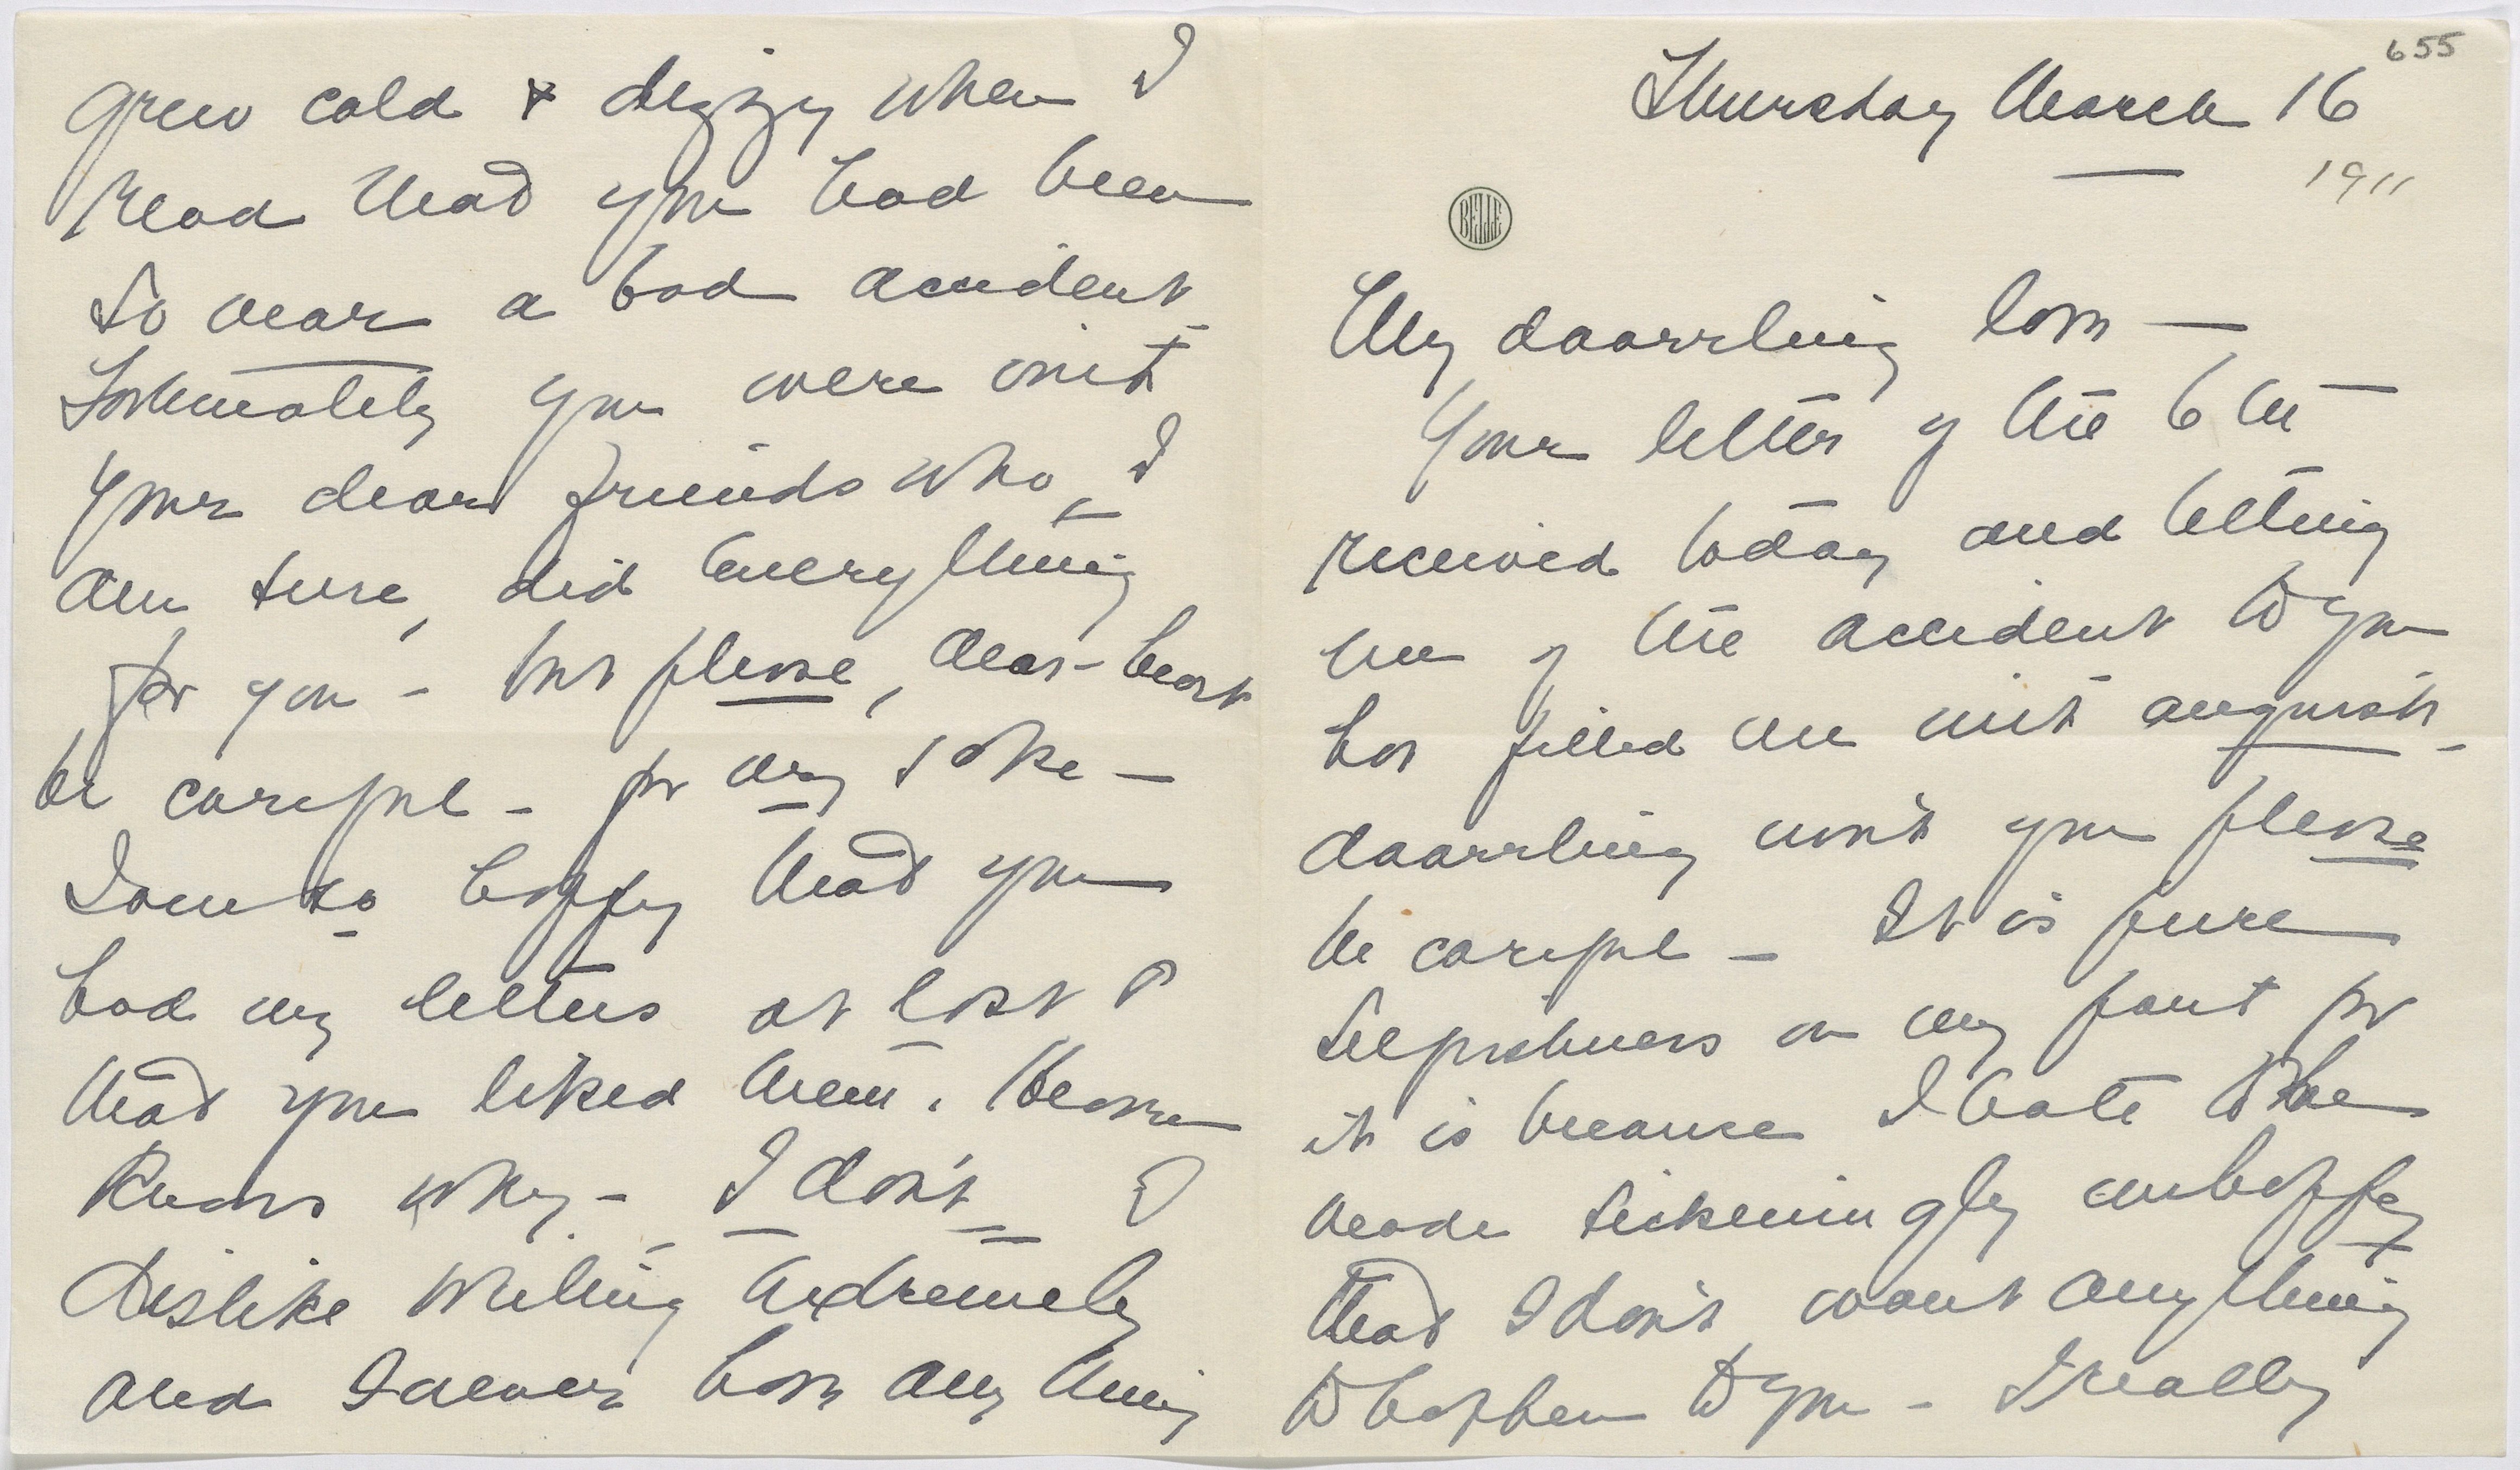Thursday March 16
–
My daarrling love –
Your letter of the 6th received today and telling me of the accident to you has filled me with anguish – daarrling won’t you please be careful – It is pure selfishness on my part for it is because I hate to be made sickeningly unhappy that I don’t want anything to happen to you – I really
grew cold & dizzy when I read that you had been so near a bad accident – Fortunately you were with your dear friends who, I am sure, did everything for you – but please, dear-heart be careful – for my sake –
I am so happy that you had my letters at last & that you liked them. Heaven knows why – I don’t – I dislike writing extremely and I never have any thing